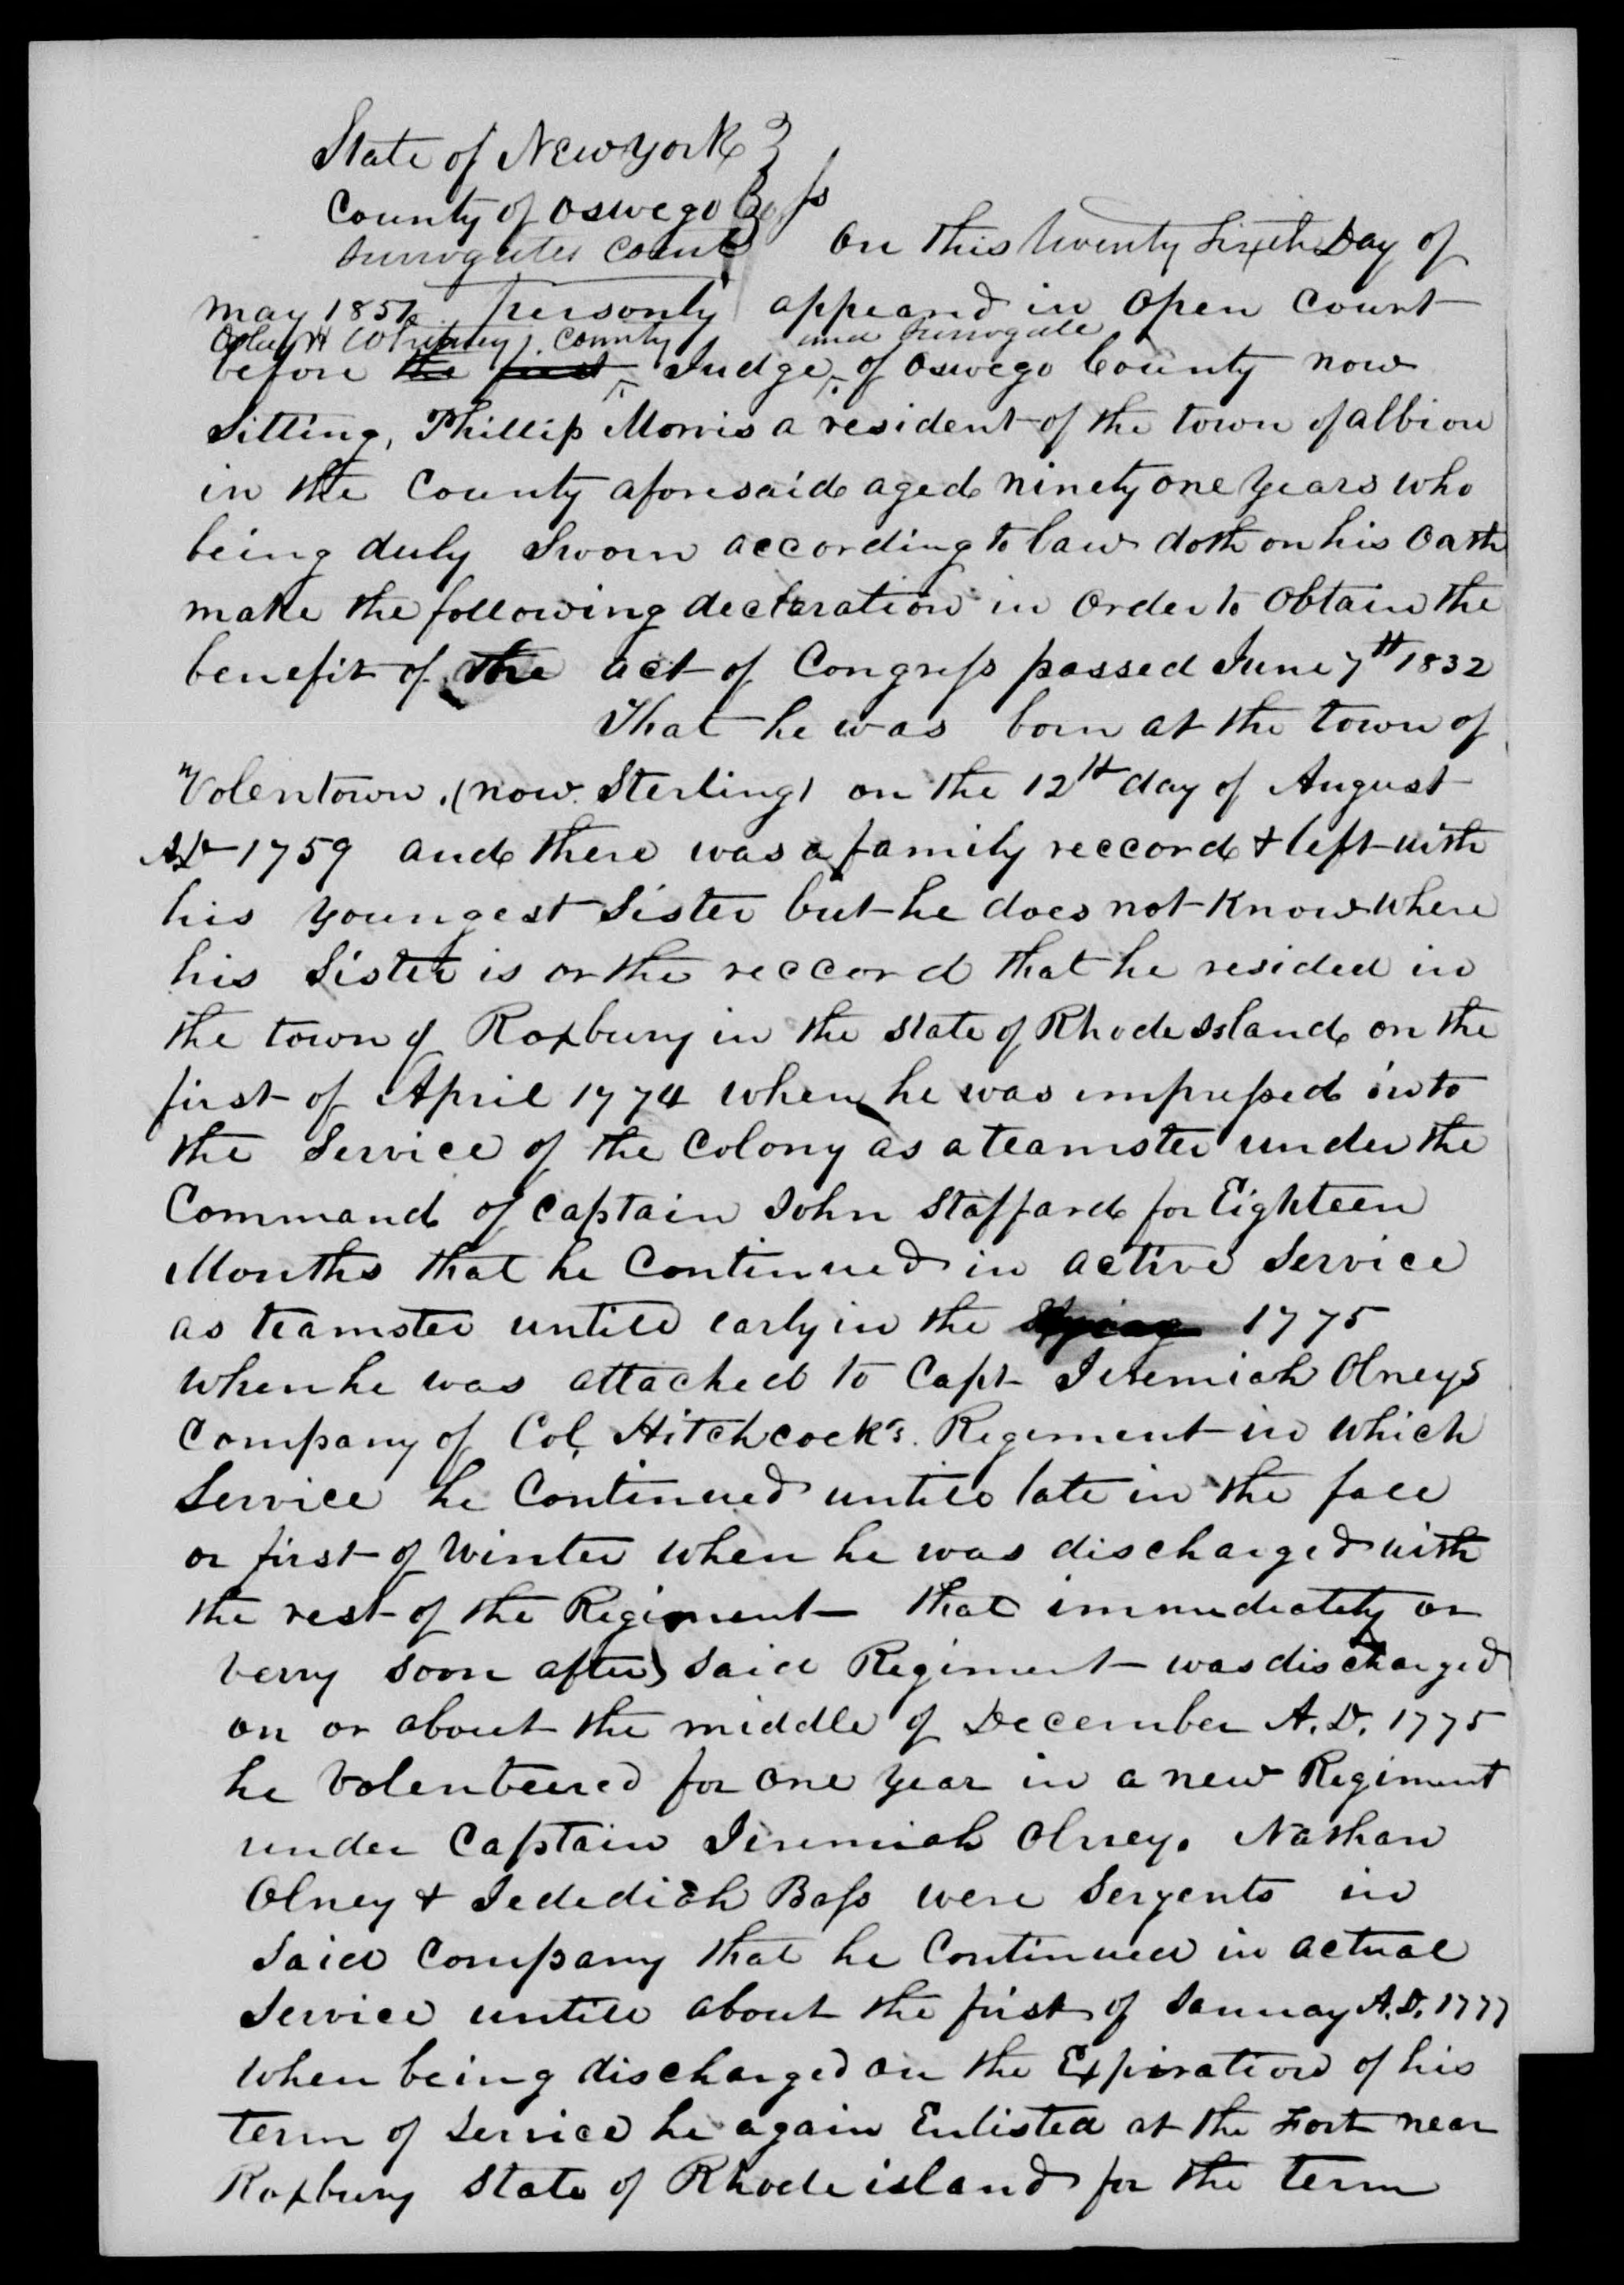State of New York  }
County of Oswego } ss
Surrogates Court On this Twenty sixth Day of May 1857. personly [personally] appeared in open court before Orla H. Whitney, County Judge and Surrogate of Oswego County now sitting, Phillip Morris a resident of the town of Albion in the County aforesaid aged ninety one years who being duly sworn according to law doth on his oath make the following declaration in order to obtain the benefit of the act of Congress passed June 7th 1832.
That he was born at the town of Volentown. (now Sterling) on the 12th day of August AD 1759 and there was a family record & left with his youngest sister buy he does not know where his sister is or the reccord [record] that he resided in the town of Roxbury in the State of Rhode Island on the first of April 1774 where he was impressed into the service of the Colony as a teamster under the Command of Captain John Stafford for Eighteen Mouths that he continued in active service as teamster until early in the 1775 where he was attached to Capt. Jeremiah Olneys Company of Col. Hitchcock's Regiment-in which service he continued until late in the fall or first of winter where he was discharged with the rest of the Regiment - that immediately or very soon after said Regiment was discharged on or about the middle of December A.D. 1775 he volunteered for one year in a new Regiment under Captain Jeremiah Olney. Nathan Olney & Jedediah Bass were sergeants in said company that he continued in active service until about the first of January A.D.1777 when being discharged on the expiration of his term of service he again enlisted as the fort near Roxbury State of Rhode Island for the term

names: Nathan Olney; John Stafford; Phillip Morris; Jedediah Bass; Jeremiah Olney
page: 3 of 44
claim: survivor's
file: S. 28,815, for Philip Morris, Rhode Island